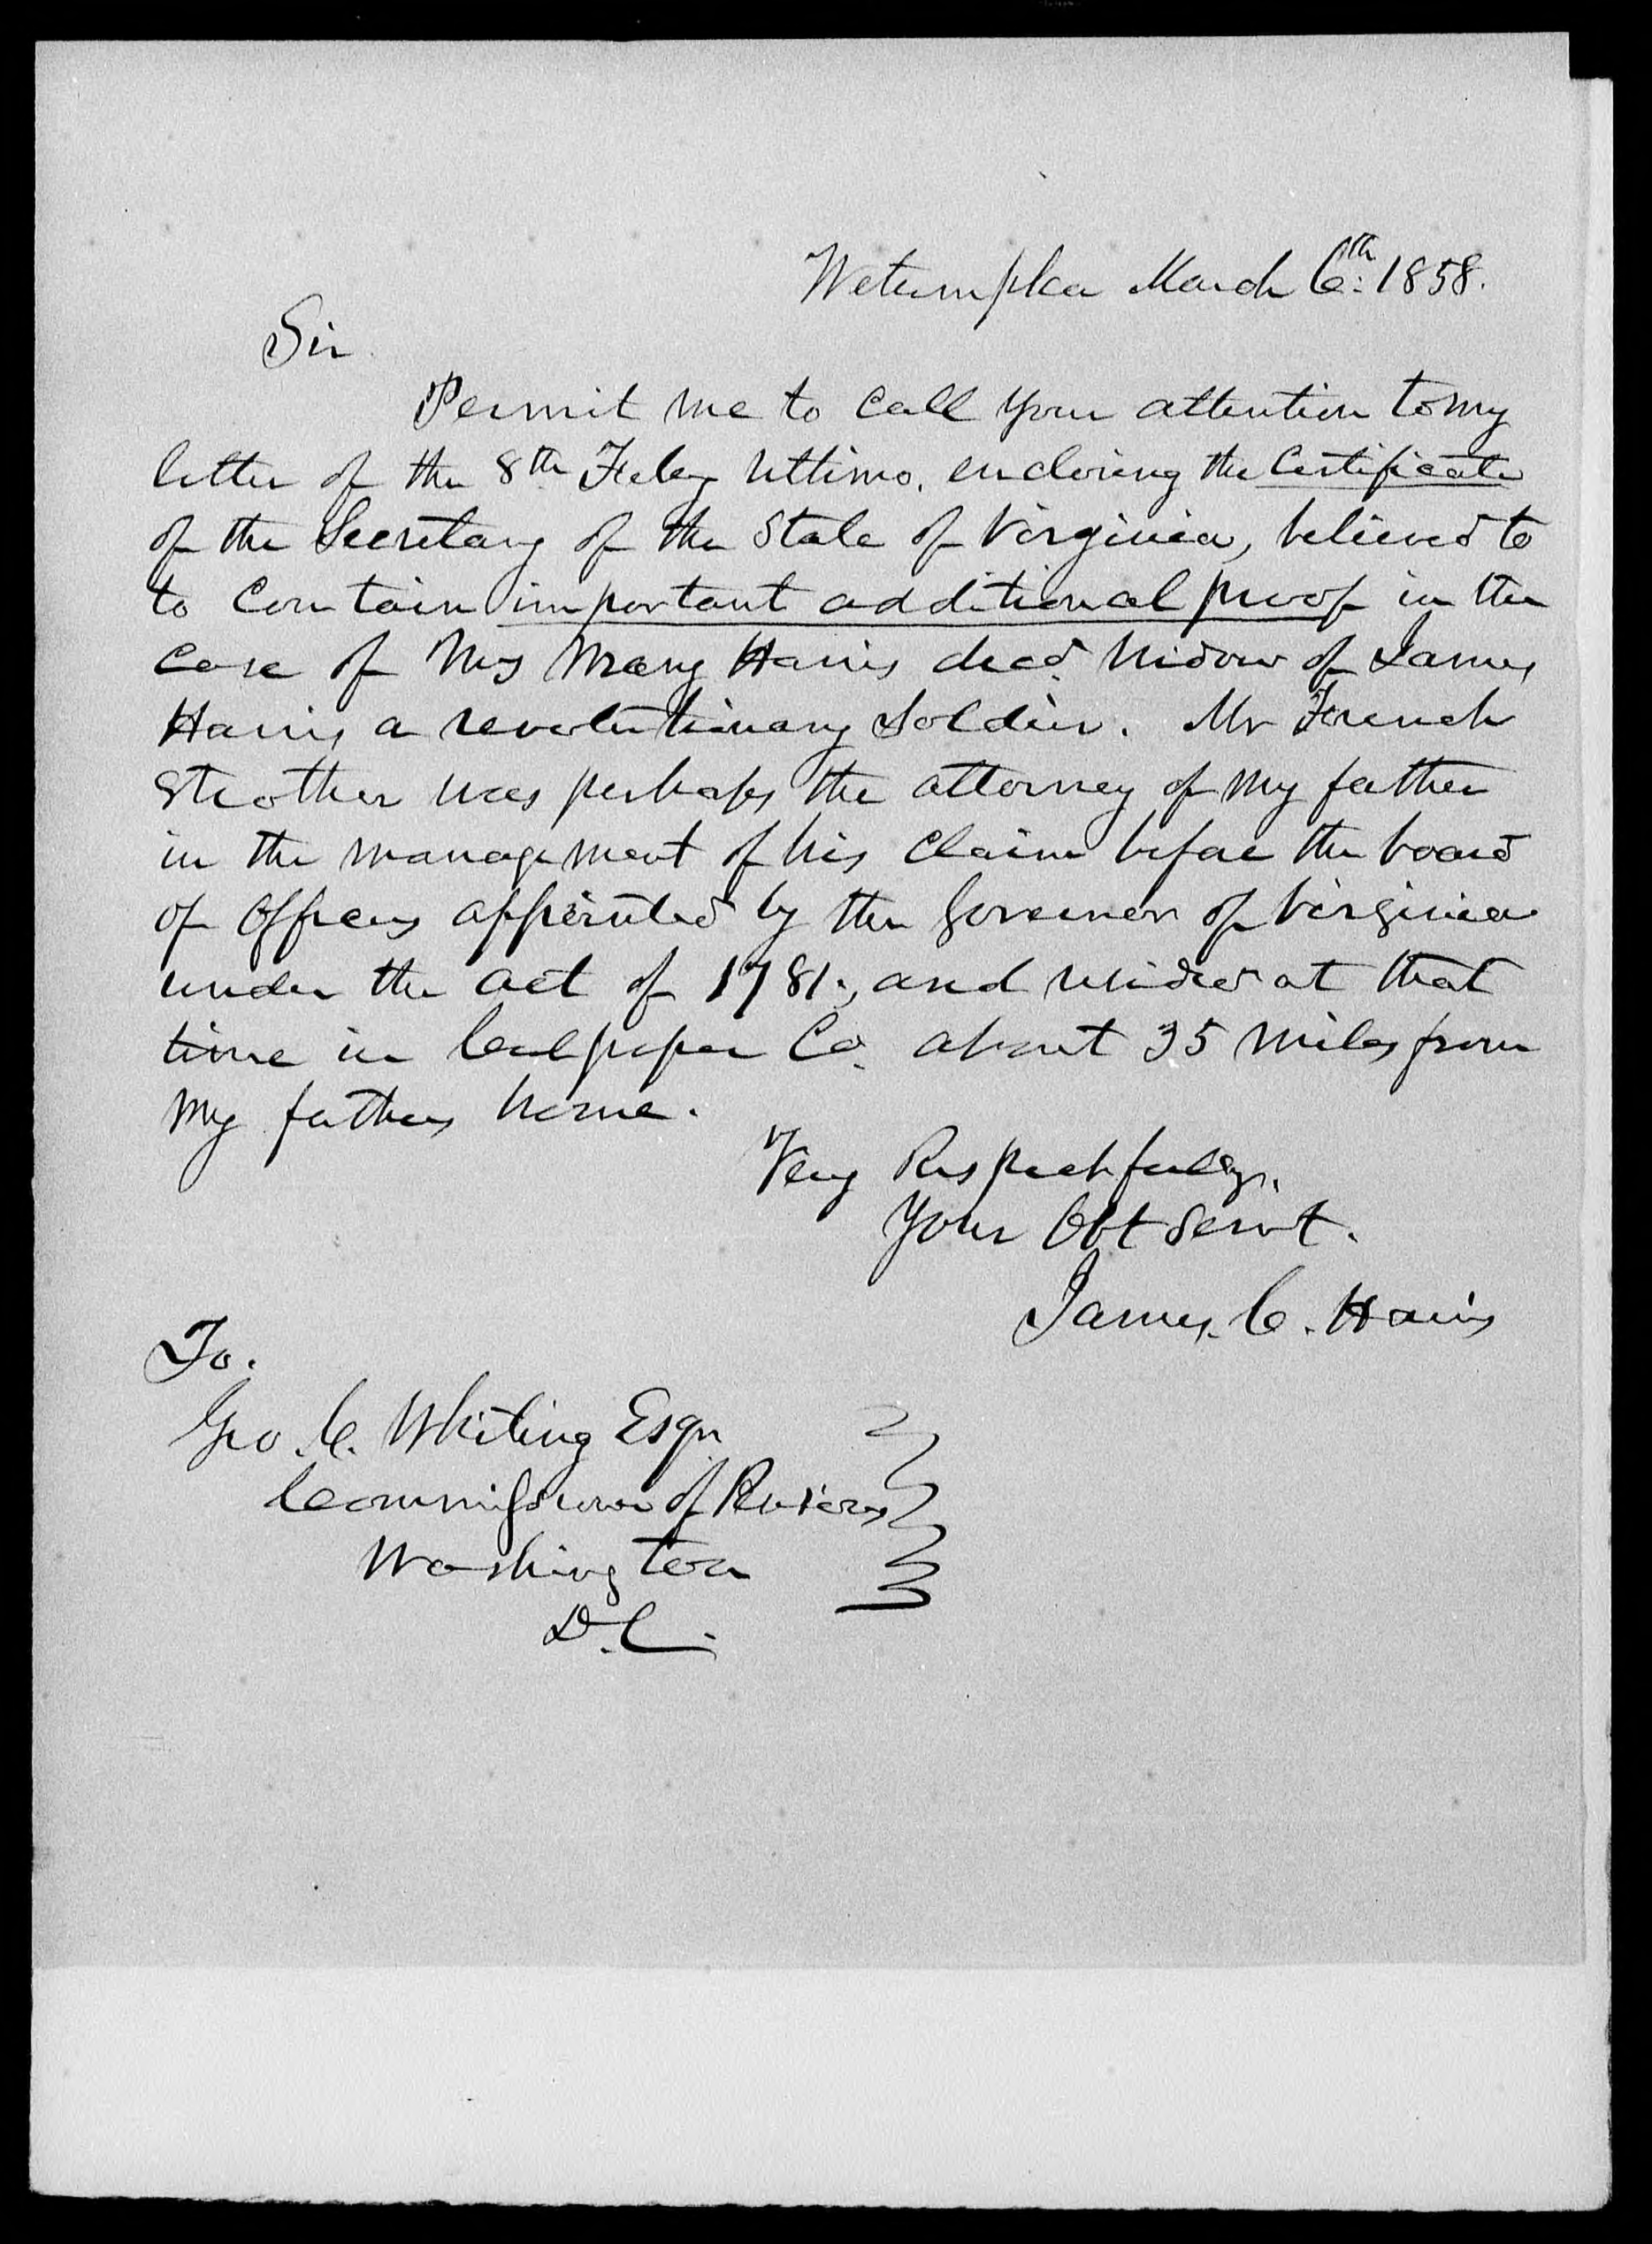Wetumpka March 6th 1858
Sir
Permit me to call  your attention to my letter of the 8th Feby ultimo, enclosing the certificate of the Secretary of the State of Virginia, believed to to [sic] contain important additional proof in the case of Mrs Mary Harris decd widow of James Harris a revolutionary Soldier.  Mr French Strother was perhaps the attorney of my father in the management of his claims before the board of Officers appointed by the Governor of Virginia under the Act of 1781, and resided at that time in Culpeper Co. about 35 miles from my fathers home.
Very Respectfully
Your Obt Servt
James C. Harris 

To.
Geo C. Whiting Esqr }
Commissioner of Pensions }
Washington }
D.C.     }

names: James Harris, Mary Harris, Geo C Whiting, James C Harris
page: 154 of 160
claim: rejected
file: R. 4666, James Harris, Va.